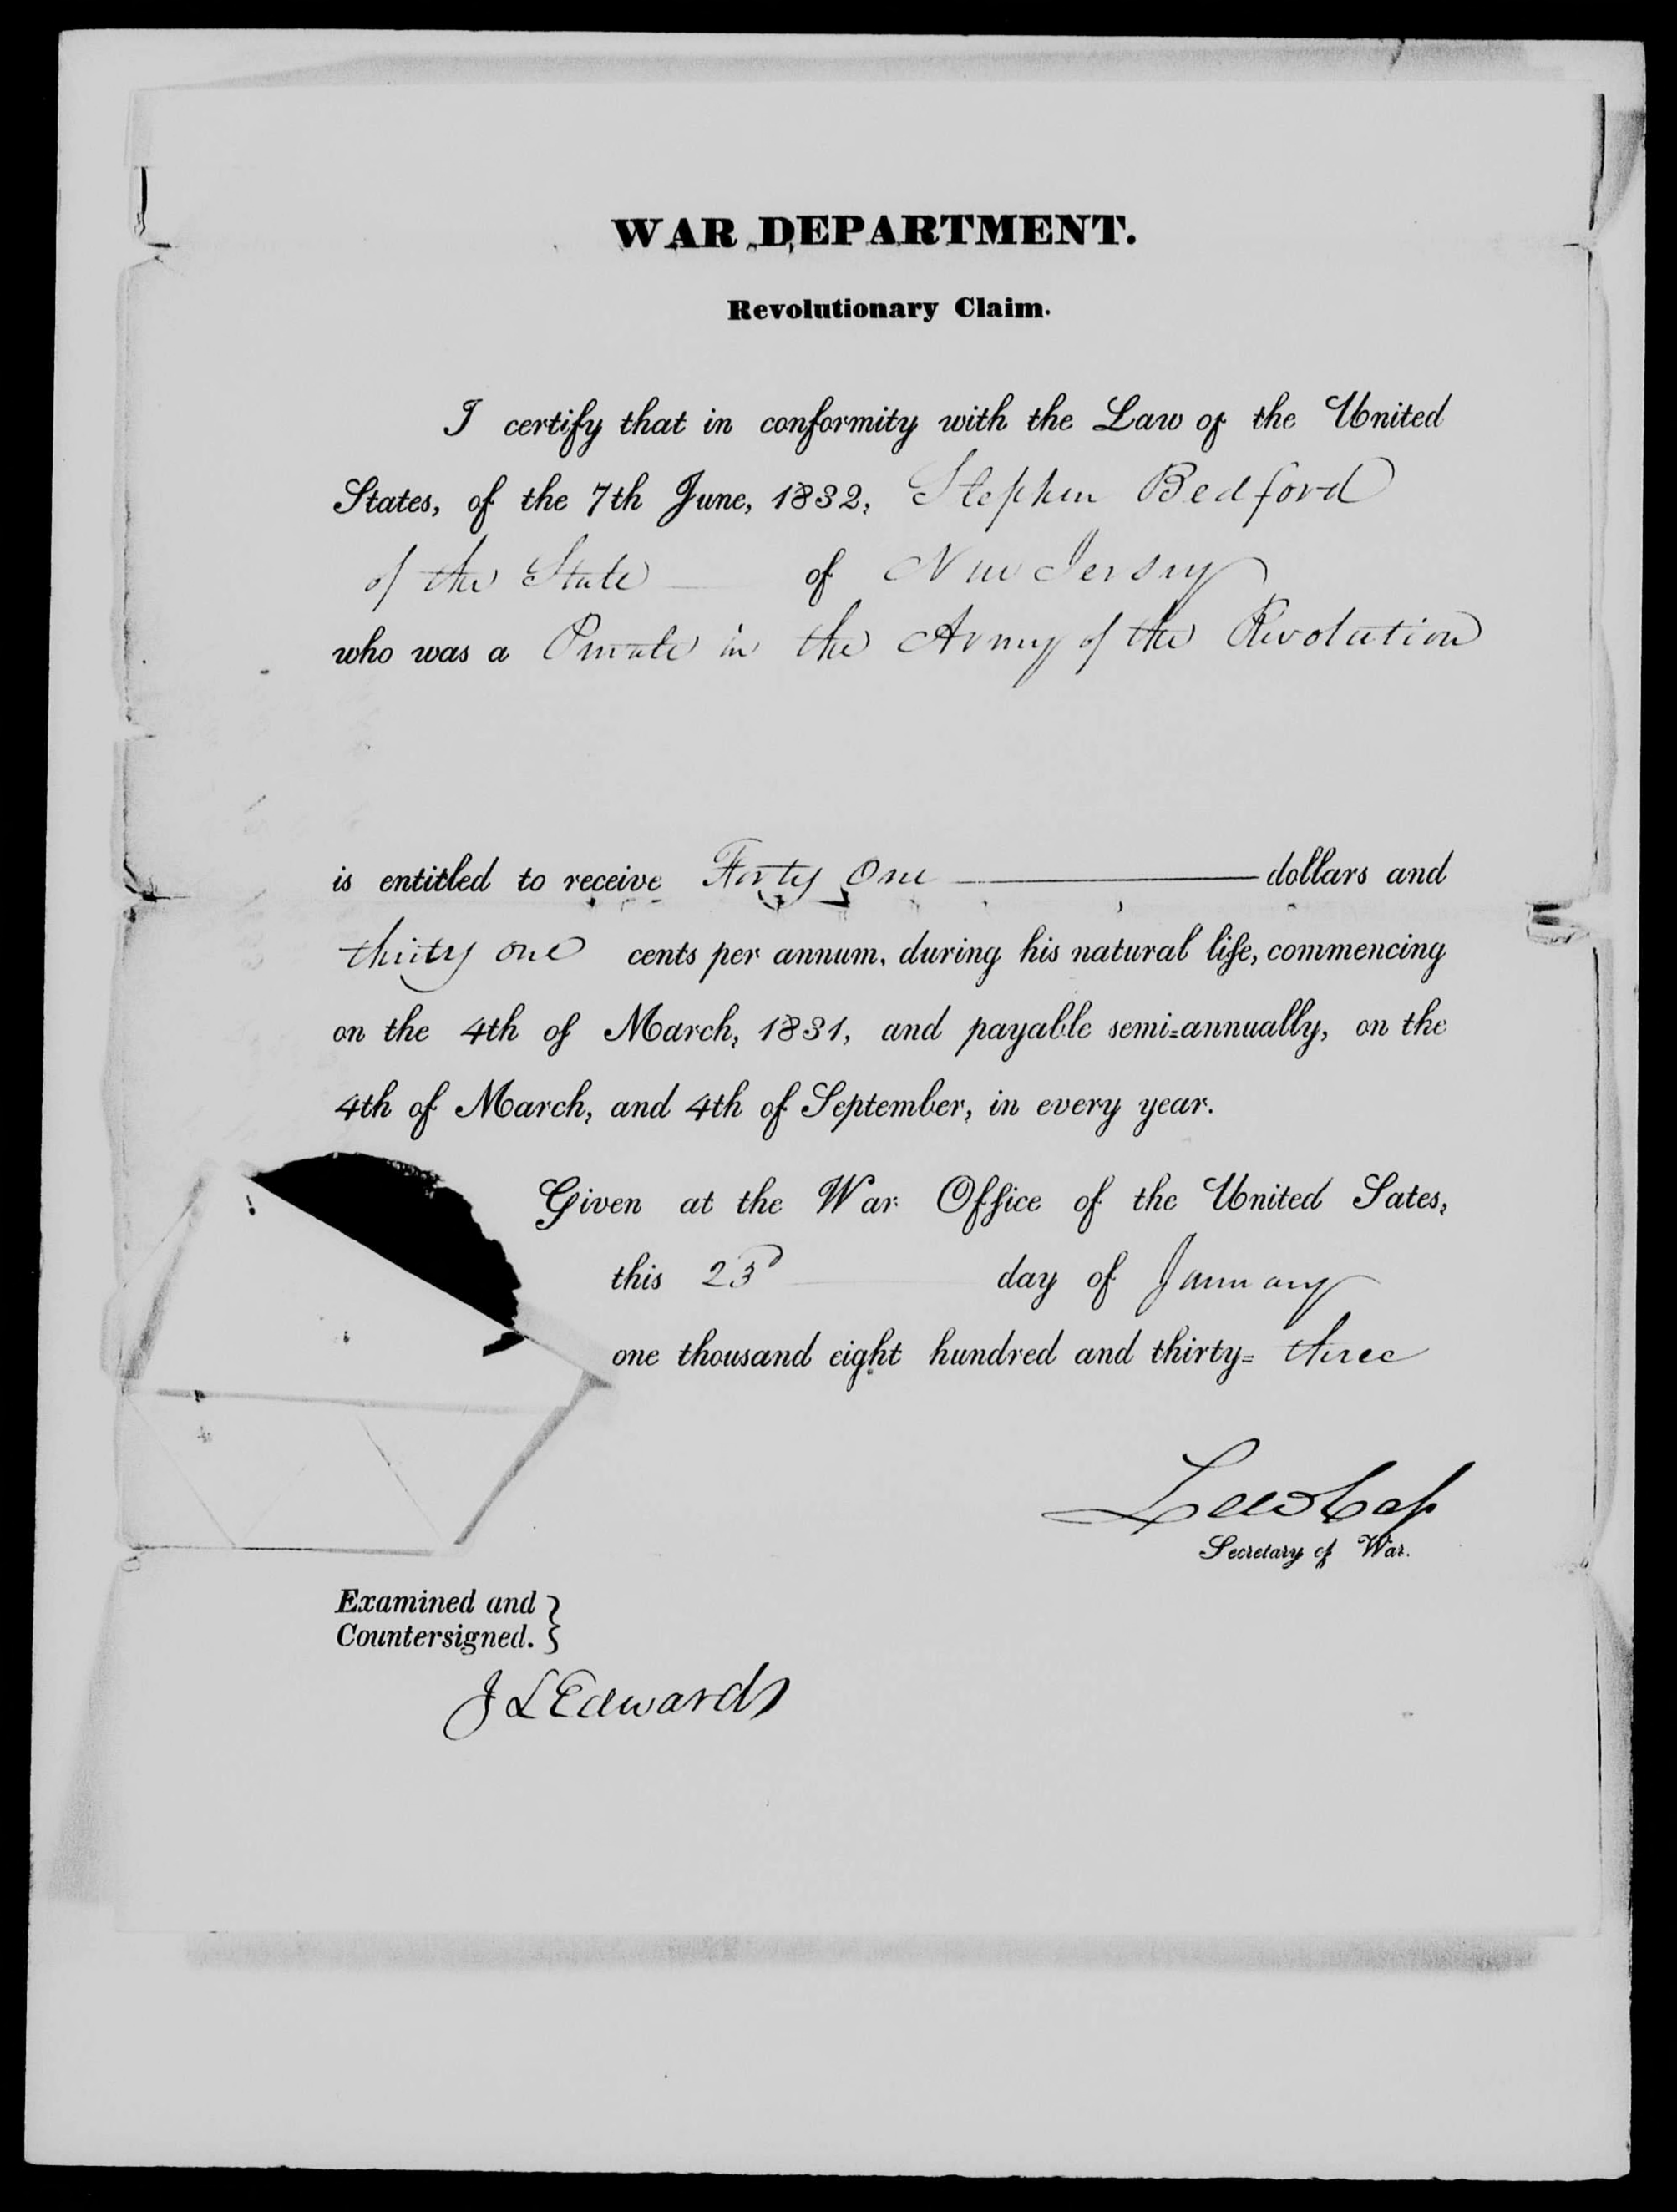WAR DEPARTMENT.
Revolutionary Claim.
I certify that in conformity with the Law of the United States, of the 7th June, 1832, Stephen Bedford of the State of New Jersey who was a Private in the Army of the Revolution
is entitled to receive Forty One dollars and thirty one cents per annum , during his natural life, commencing on the 4th of March, 1831, and semi annually, on the 4th of March, and 4th of September, in every year.
 Given at the War Office of the United Sates [sic]
this 23d day of January
one thousand eight hundred and thirty three
Lew Cass
Secretary of War.
Examined and}
Countersigned.]
J L Edwards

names: Stephen Bedford, Lew Cass, J L Edwards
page: 25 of 31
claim: survivor's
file: S. 2372, Stephen Bedford, New Jersey